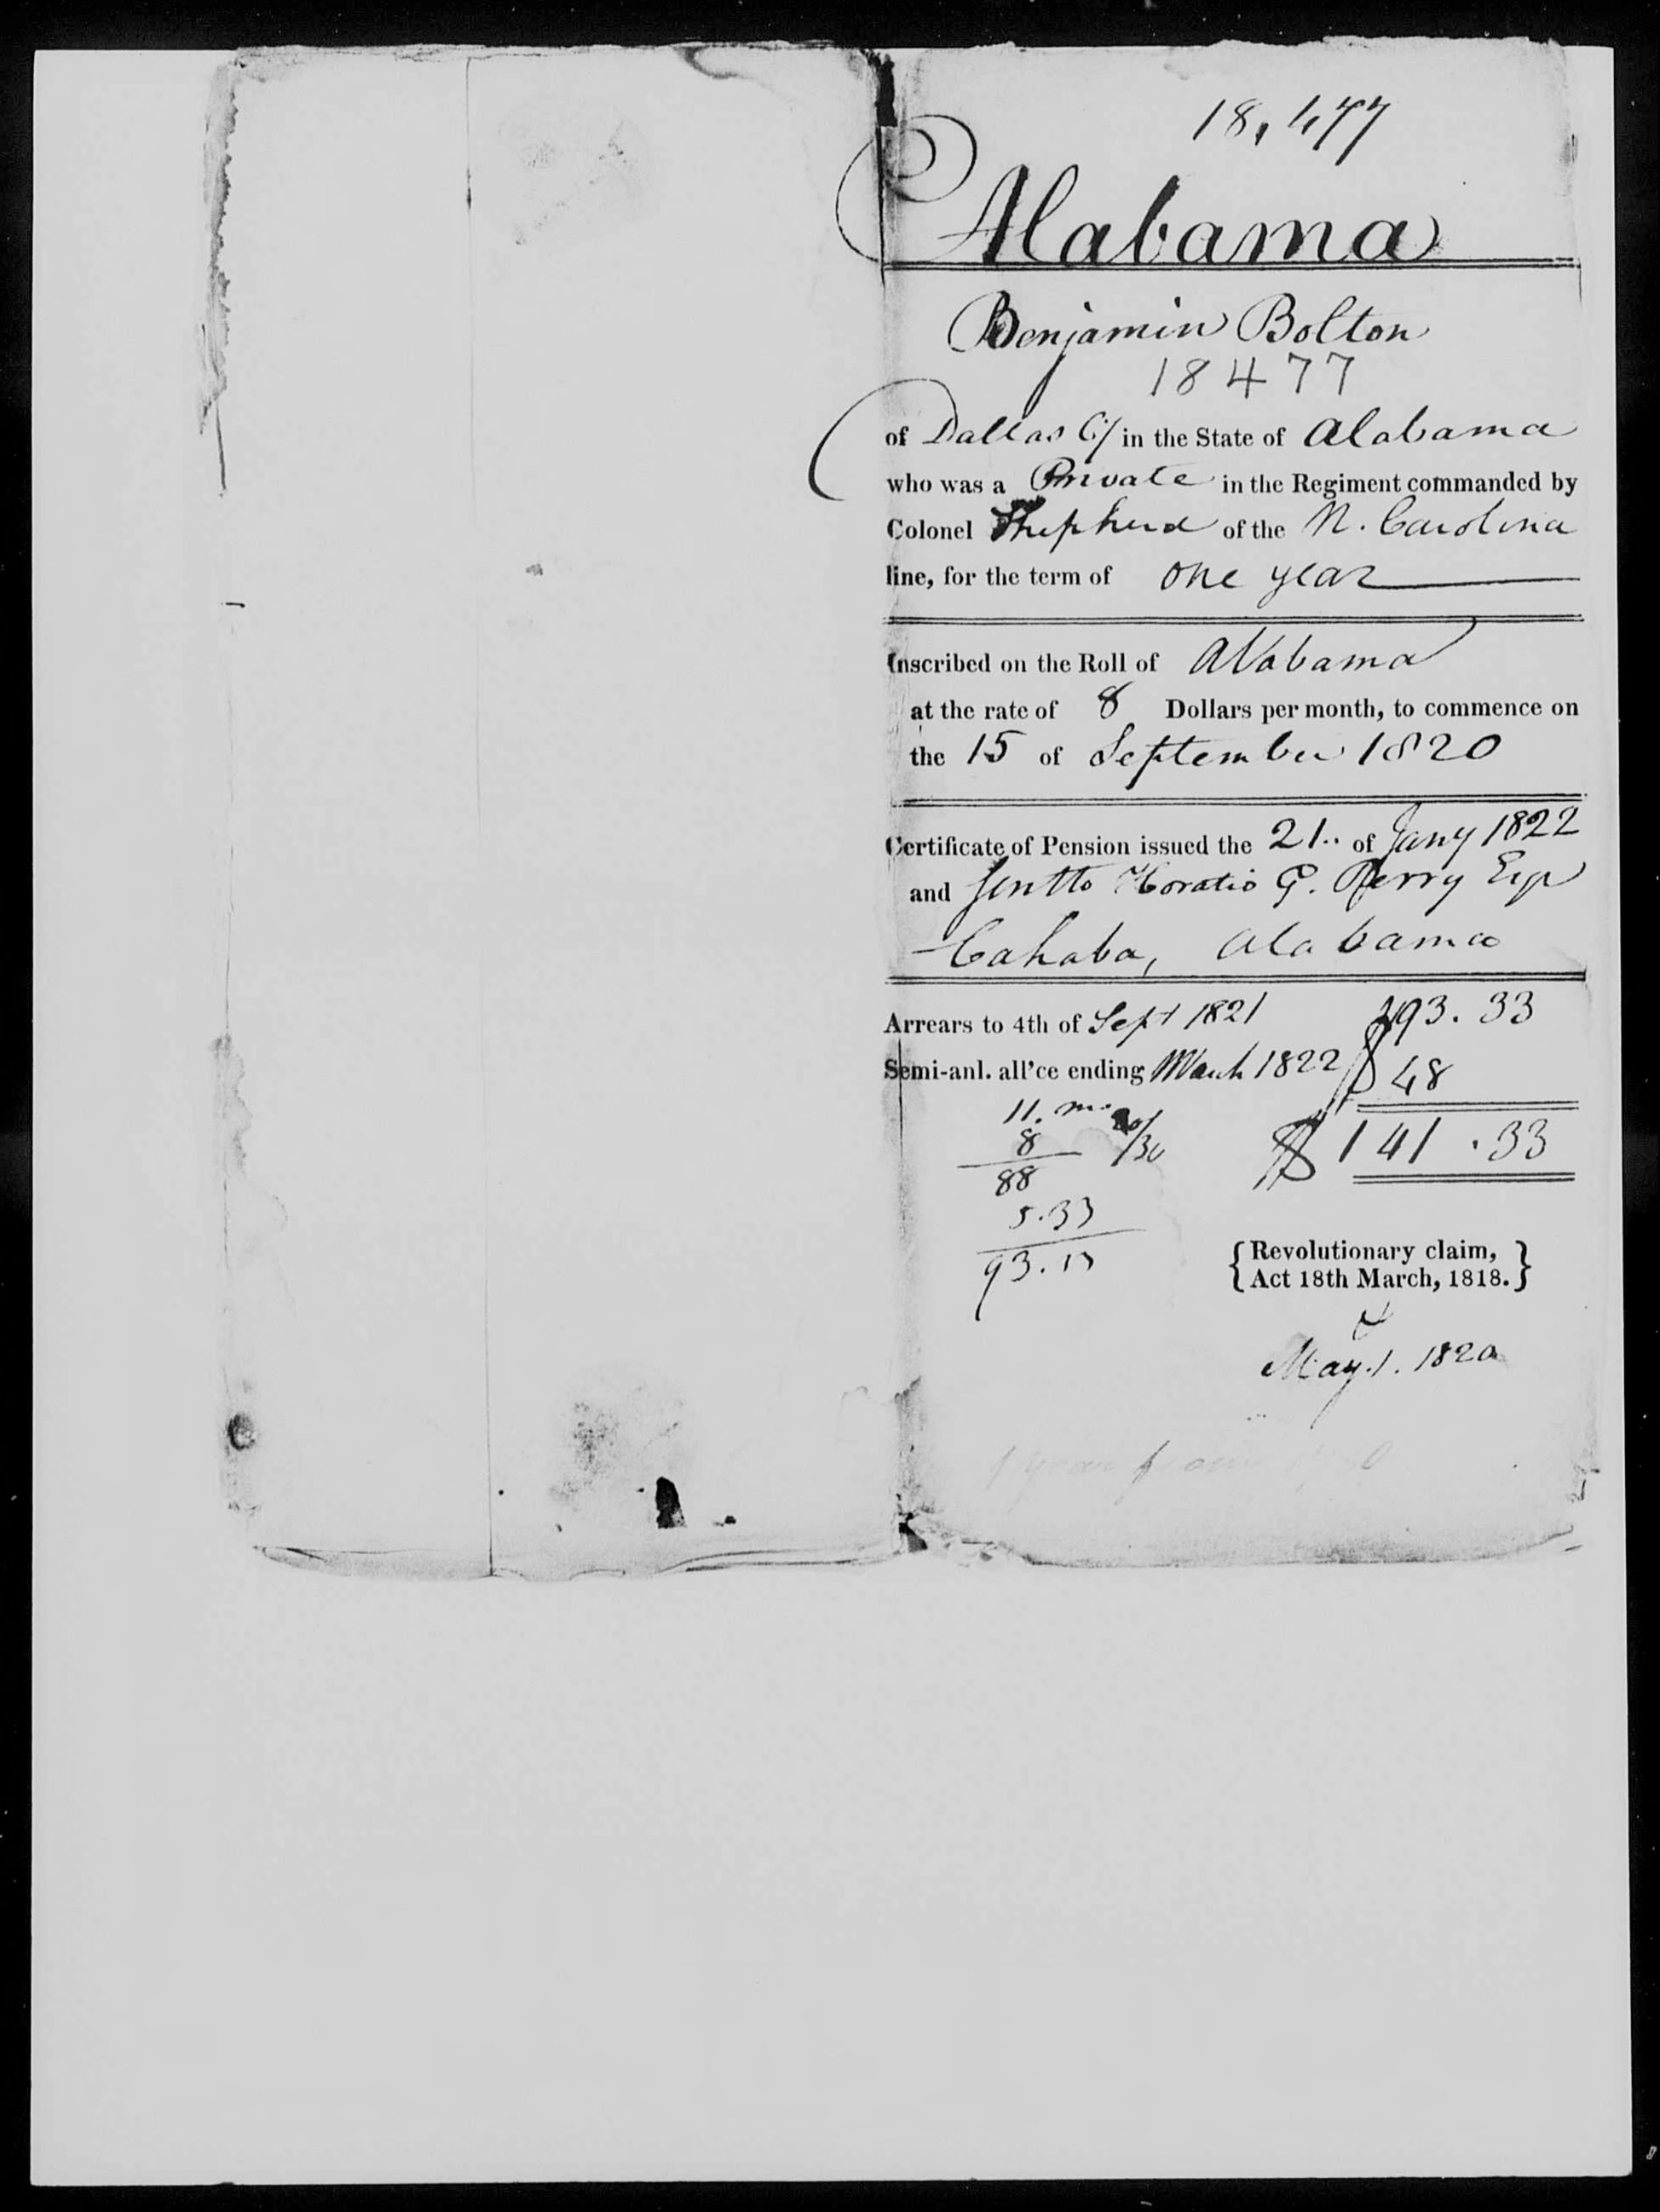Alabama
Benjamin Bolton
18477
of Dallas Co in the state of Alabama
who was a Private in the Regiment commanded by Colonel Shepherd of the N. Carolina line, for the term of one year

Inscribed on the Roll of Alabama
at the rate of 8 dollars per month, to commence on the 15 of September 1820

Certificate of Pension issued the 21 of January 1822 and sent to Horatio G. Perry Esqr Cahaba, Alabama

Arrears to the 4th of Sept 1821 $93.33
Semi-anl. all'ce ending March 1822 $48
$141.33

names: Horatio G Perry, Benjamin Bolton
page: 2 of 29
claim: survivor's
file: S. 37,795, Benjamin Bolton, N.C.